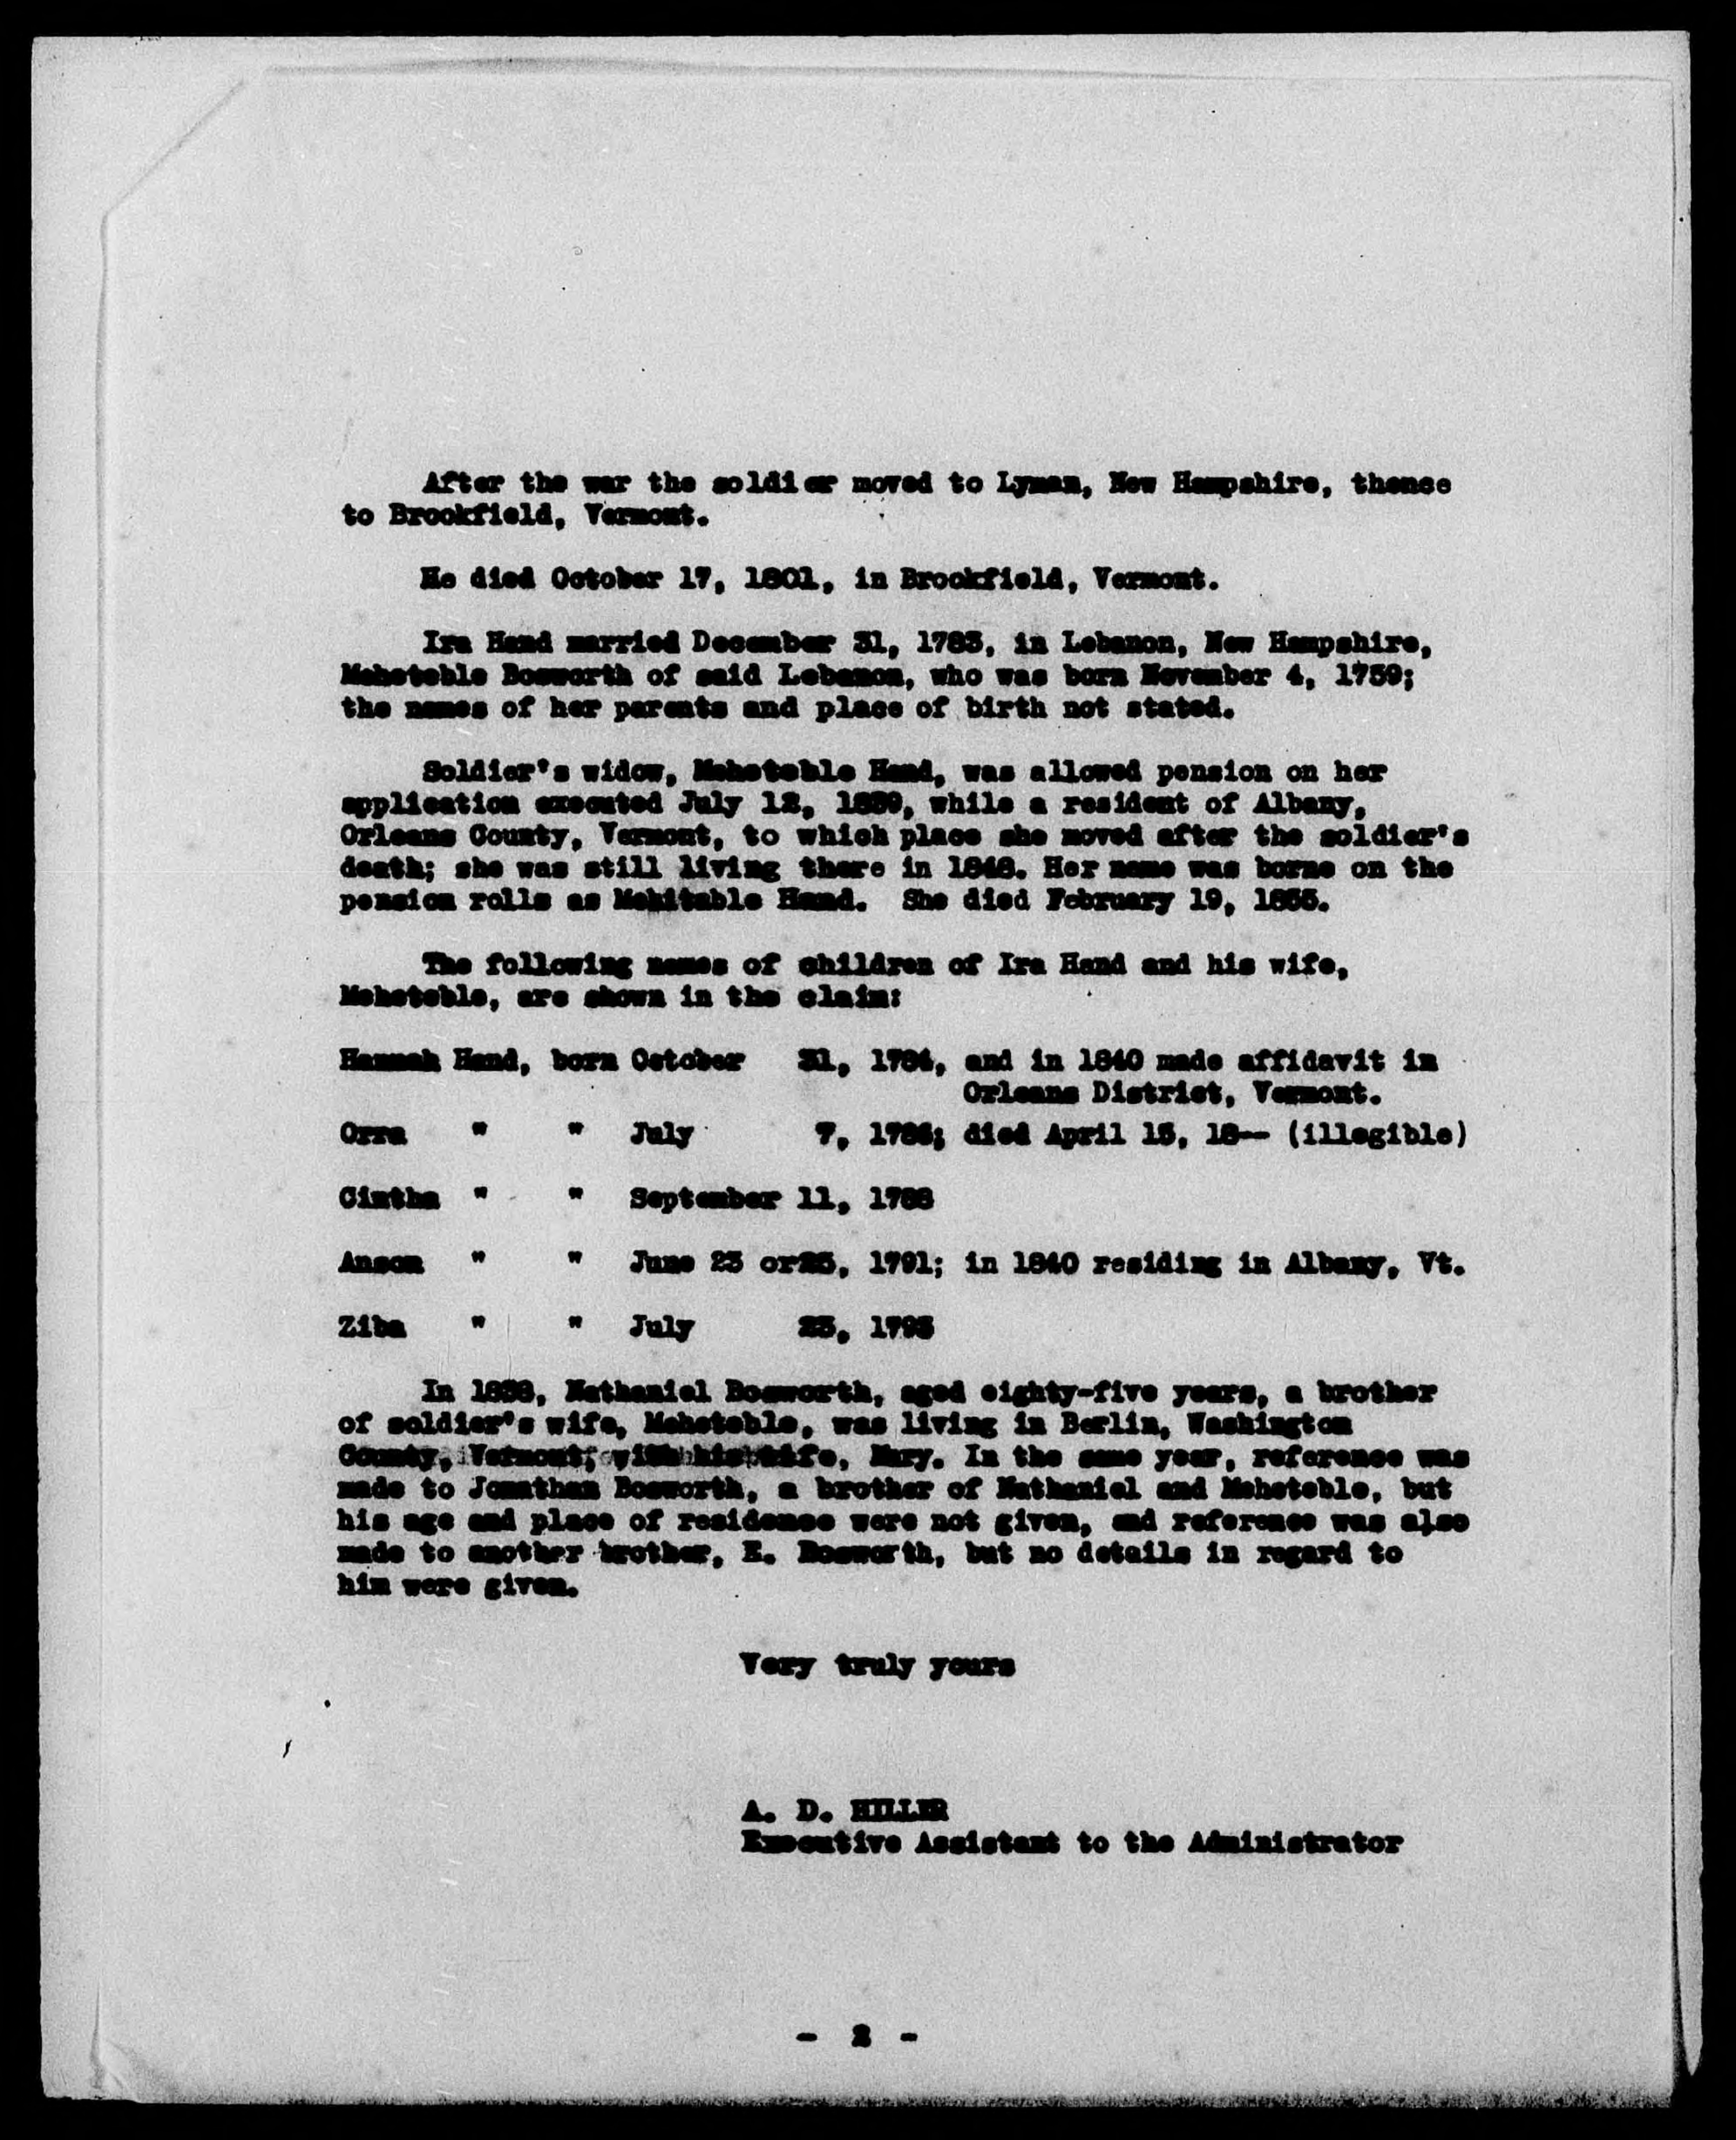After the war the soldier moved to Lyman, New Hampshire, thence to Brookfield,
Vermont.
He died October 17, 1801, in Brookfield, Vermont.
Ira Hand married December 31, 1785, in Lebanon, New Hampshire, Mehetable Bosworth of said Lebanon, who was born November 4, 1759; the names of her parents and place of birth not stated.
Soldier's widow, Muehetable Hand, was allowed pension on her application
executed July 12, 1839, while a resident of Albany, Orleans County, Vermont, to which place she moved after the soldier's death; 
she was still living there in 1848. Her name was borne on the pension rolls as Mehitable Hand. She died February 19, 1855.
The following names of children of Ira Hand and his wife, Mehetable, are shown in the claim:
Hannah Hand, born October 4, 1794, and in 1840 made affidavit in Orleans District, Vermont
Orren Hand, born July 7, 1786; died April 15, 18 (illegible)
Cintha Hand born September 11, 1788
Janson Hand born June 23 or 25, 1791; in 1840 residing in Albany, Vt.
Ziba Hand born July 25, 1795
In 18??, Nathaniel Bosworth, aged eighty-five years, a brother of soldier's wife, Mehetable, was living in Berlin, Washington County, Vermont, with his wife, Mary. In the same year, reference was made to Jonathan Bosworth, 
a brother of Nathaniel and Meheteble, but
his age and place of residence were not given, and reference was also made to another brother,  E. Bosworth, but no details in regard to him were given.
Very truly yours
A. D. HILLER
Executive Assistant to the Administrator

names: Nathaniel, Ziba Hand, Orra Hand, Jonathan Bosworth, Meheteble, Ira Hand, Meheteble, Meheteble, Hannah Hand, Mary, Mehitable Hand, Nathaniel Bosworth, A D Hiller, Cintha Hand, E Bosworth, Lyman, Anson Hand, Ira Hand, Maheteble Bosworth, Meheteble Hand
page: 15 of 42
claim: widow's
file: W. 19,722, Ira Hand, N.H. Vt.